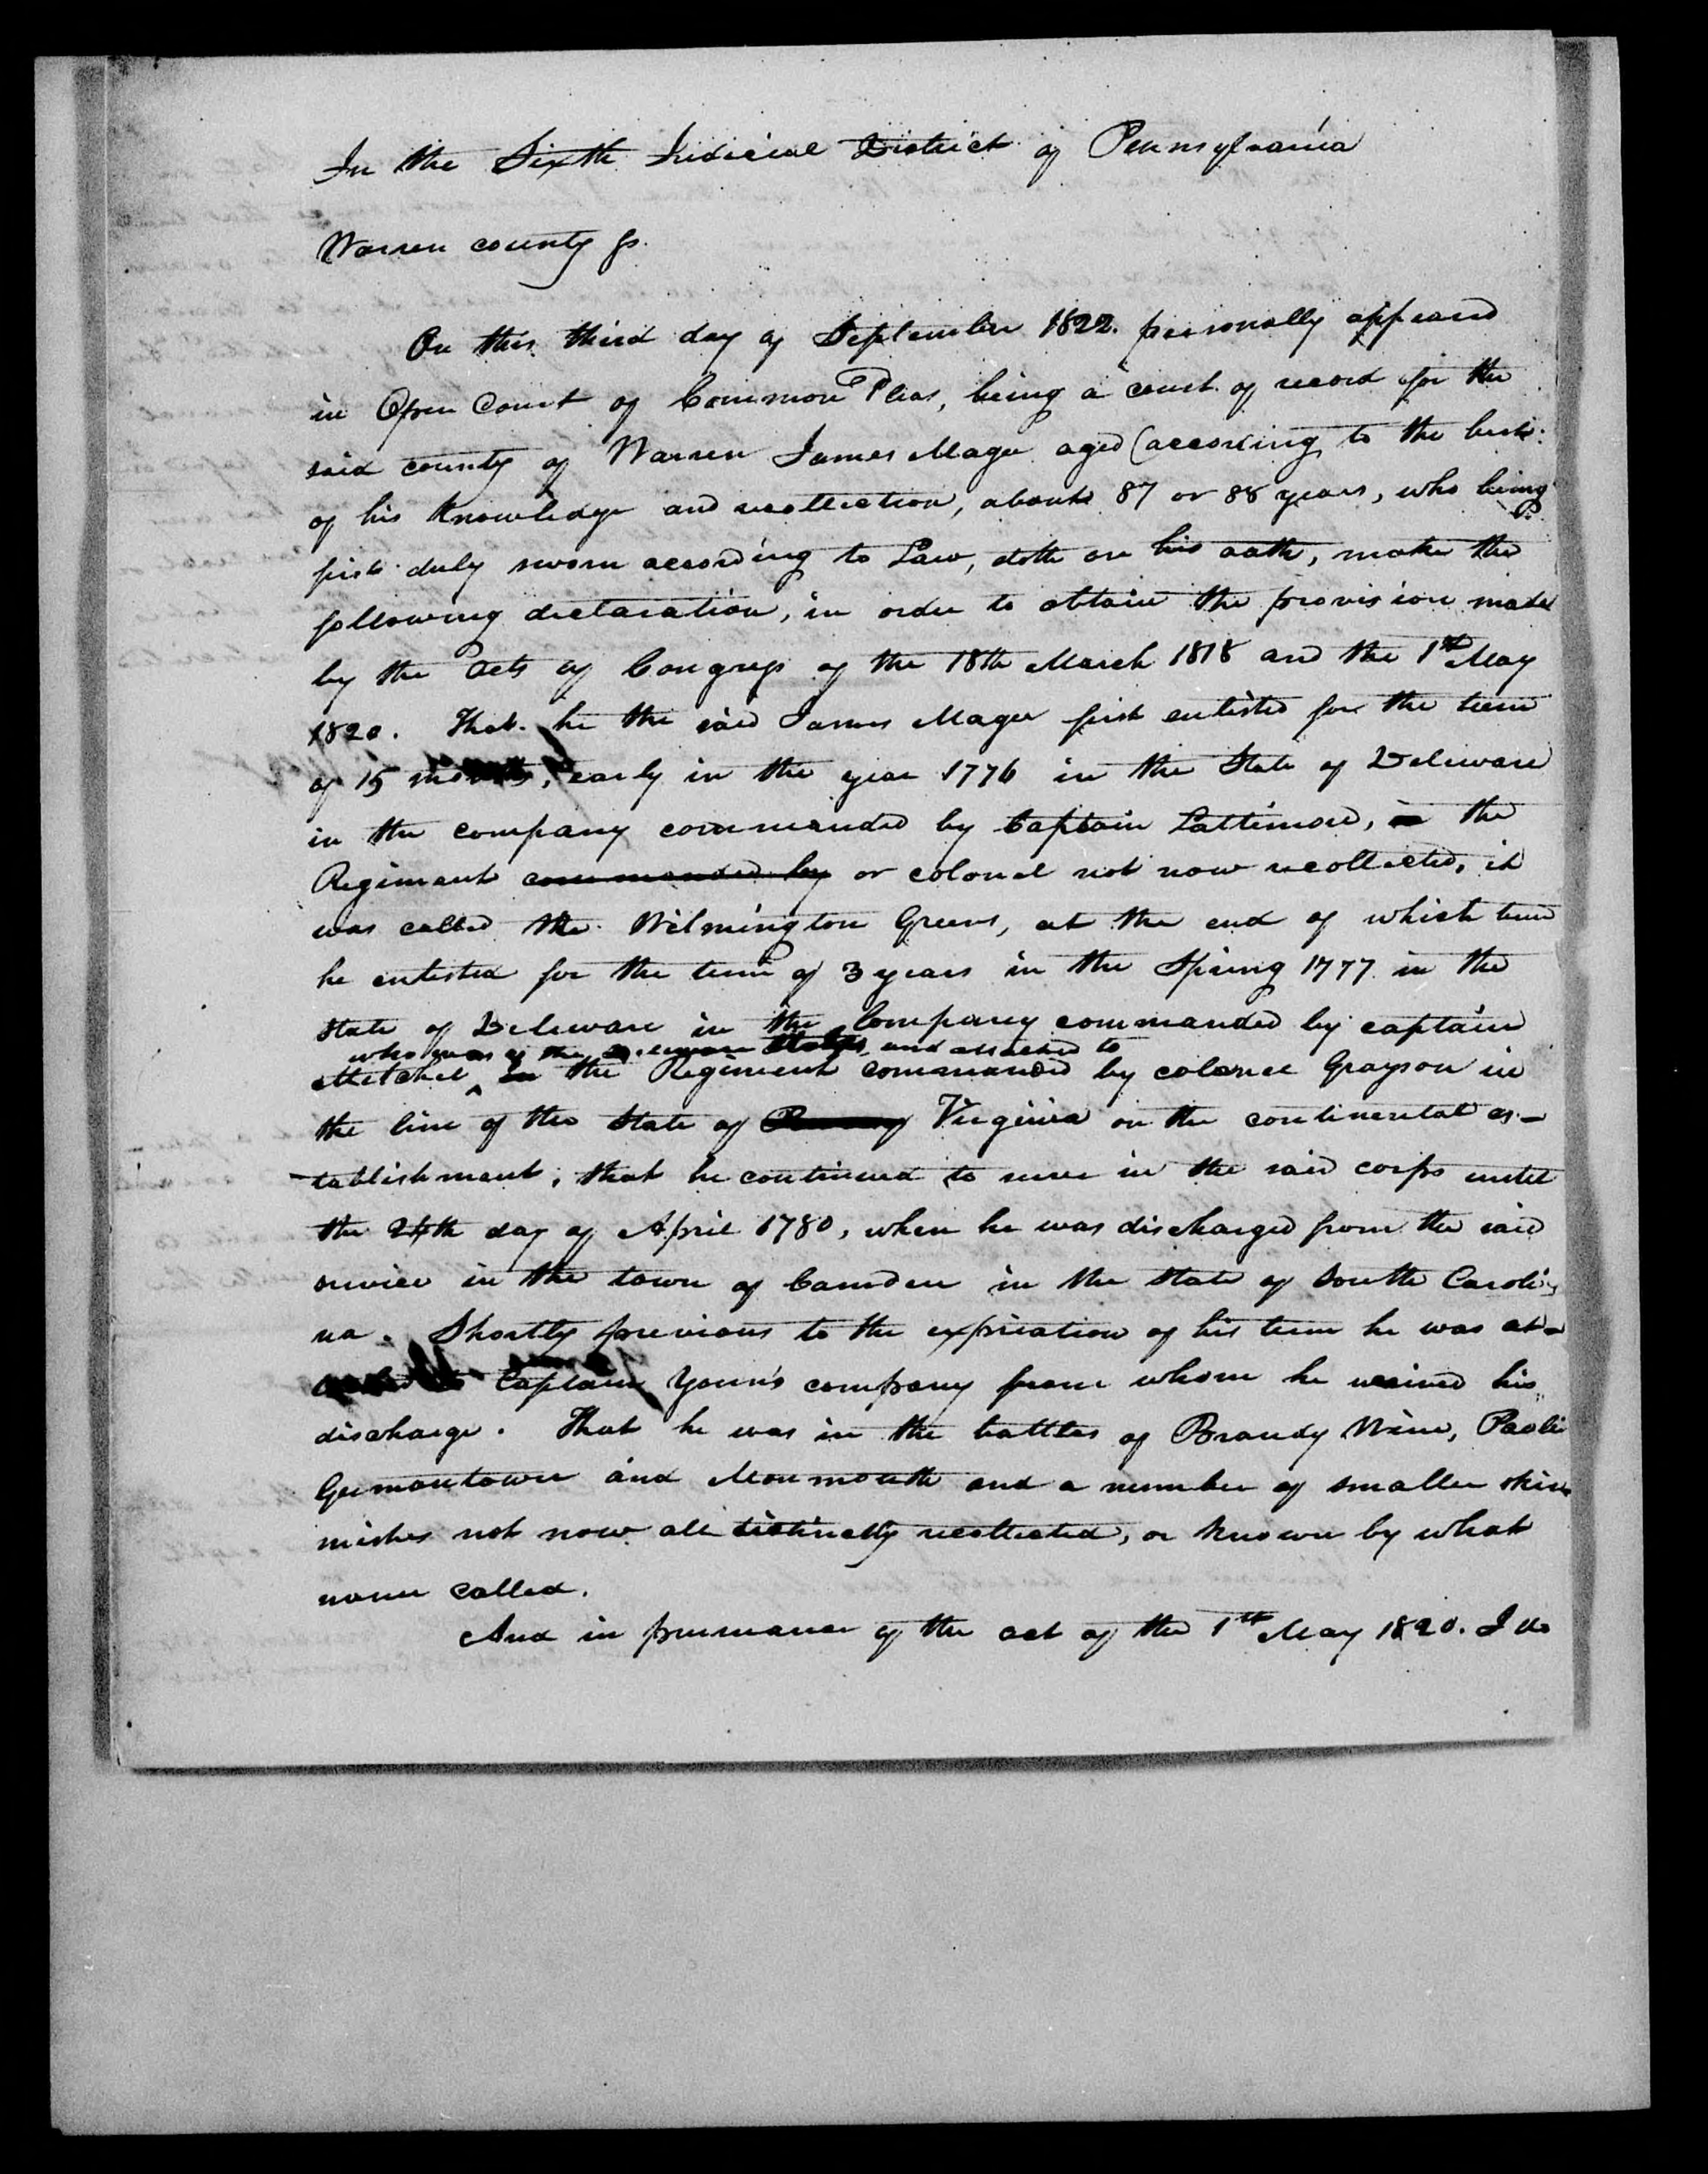In the Sixth Judicial District of Pennsylvania
Warren County ss.

On this third day of September 1822 personally appeared Open Court of Common Pleas, being a court of record for the said County of
Warren   James Magee (aka McGee) aged (according to the best of his knowledge and recollection, about 87 or 88 years, who being
first duly sworn according to Law, doth on his oath, make the following declaration, in order to obtain the provision made by the acts of Congress of the 18th March 1818 and the 1st May 1820. That he the said James Magee first enlisted for the time of 15 months,  early in the year 1776 in the State of Delaware in the company commanded by Captain Lattimore, in the Regiment *commanded by*  or colonel not now recollects, it was called the Wilmington Green, at the end of which he then he enlisted for the term of 3 years in the spring 1777 in the
State of Delaware in the company commanded by Captain attached   ^who was of the Delaware states and attached to ^  the 
Regiment commanded by Colonel Grayson in
the line of the State of Virginia on the continental establishment; that he continued to serve in the said corps until the 24th day of April 1780, when he was discharged from the said service in the town of Camden in the State of South Carolina Shortly previous to the expiration of his term he was (illegible)
Captain Youn's(?)  company from whom he received his discharge. That he was in the battles of Brandy Wine, Paoli Germantown and Monmouth and a number of smaller skirmishes
 not now all distinctly recollected, or known by what now called,

And in pursuance of the act of the 1st May 1820 I do

(*--* denotes words or sentences crossed out)
(^--^) denotes words or sentences inserted

(continued)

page: 29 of 77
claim: widow's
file: W 2954, for James Mc Gee, Delaware